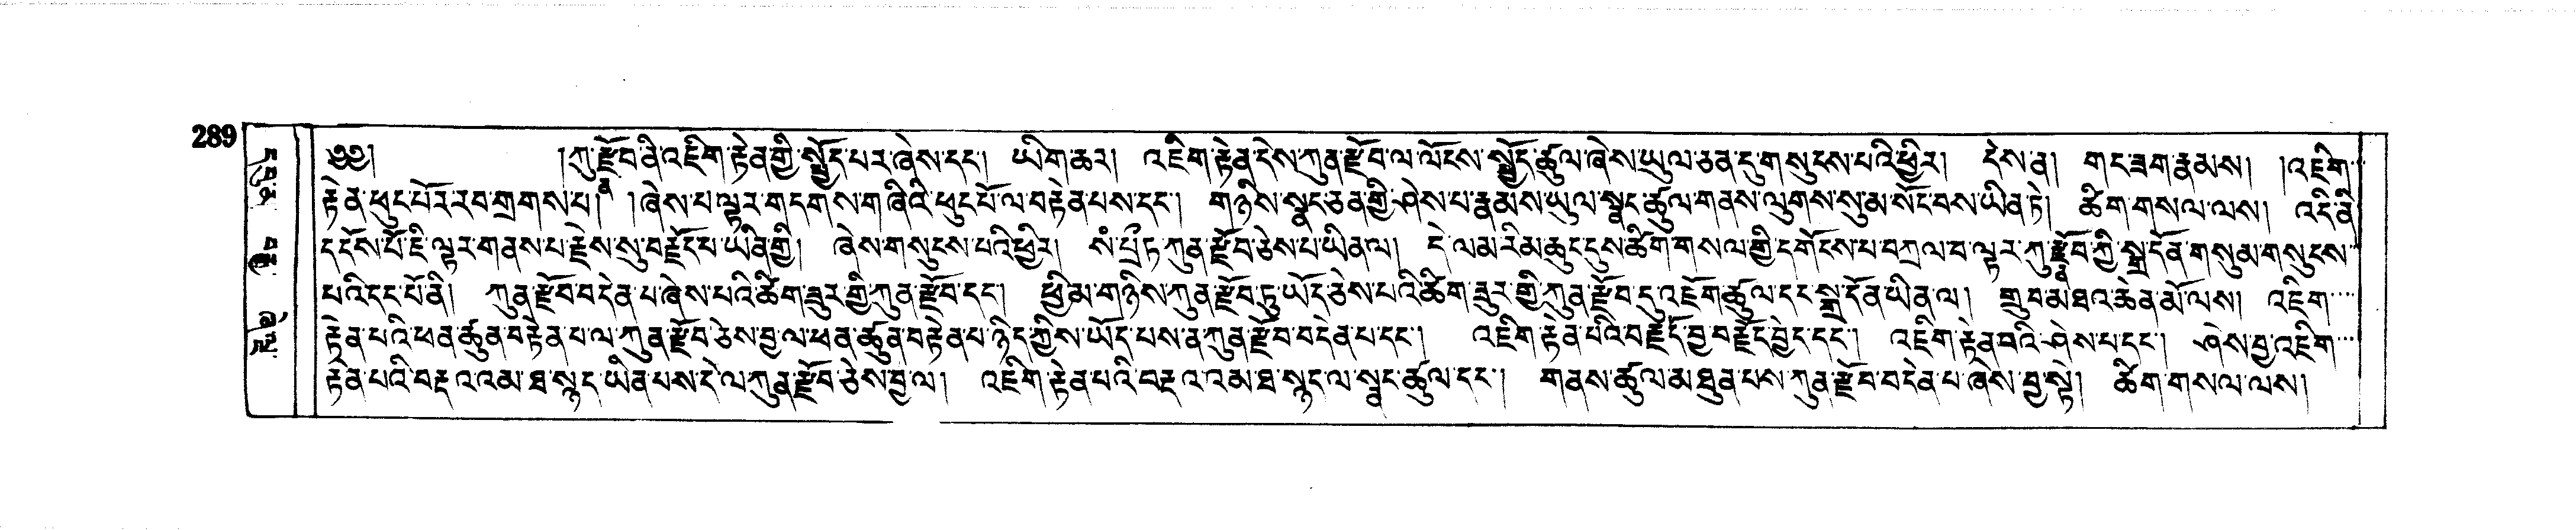༄༅། །ཀུ་རྫོབ་ནི་འཇིག་རྟེན་གྱི་སྤྱོད་པར་ཞེས་དང་། ཡིག་ཆར། འཇིག་རྟེན་དེས་ཀུན་རྫོབ་ལ་ལོངས་སྤྱོད་ཚུལ་ཞེས་ཡུལ་ཅན་དུ་གསུངས་པའི་ཕྱིར། དེས་ན། གང་ཟག་རྣམས། །འཇིག་
རྟེན་ཕུང་པོར་རབ་གྲགས་པ། །ཞེས་པ་ལྟར་གདགས་གཞིའི་ཕུང་པོ་ལ་བརྟེན་པས་དང་། གཉིས་སྣང་ཅན་གྱི་ཤེས་པ་རྣམས་ཡུལ་སྣང་ཚུལ་གནས་ལུགས་སུ་མ་སོང་བས་ཡིན་ཏེ། ཚིག་གསལ་ལས། འདི་ནི་
དངོས་པོ་ཇི་ལྟར་གནས་པ་རྗེས་སུ་བརྗོད་པ་ཡིན་གྱི། ཞེས་གསུངས་པའི་ཕྱིར། སཾ་པྲྀཏ་ཀུན་རྫོབ་ཅེས་པ་ཡིན་ལ། དེ་ལམ་རིམ་ཆུང་དུས་ཚིག་གསལ་གྱི་དགོངས་པ་བཀྲལ་བ་ལྟར་ཀུན་རྫོབ་ཀྱི་སྒྲ་དོན་གསུམ་གསུངས་
པའི་དང་པོ་ནི། ཀུན་རྫོབ་བདེན་པ་ཞེས་པའི་ཚིག་ཟུར་གྱི་ཀུན་རྫོབ་དང་། ཕྱི་མ་གཉིས་ཀུན་རྫོབ་ཏུ་ཡོད་ཅེས་པའི་ཚིག་ཟུར་གྱི་ཀུན་རྫོབ་དུ་འཇོག་ཚུལ་དང་སྒྲ་དོན་ཡིན་ལ། གྲུབ་མཐའ་ཆེན་མོ་ལས། འཇིག་
རྟེན་པའི་ཕན་ཚུན་བརྟེན་པ་ལ་ཀུན་རྫོབ་ཅེས་བྱ་ལ་ཕན་ཚུན་བརྟེན་པ་ཉིད་ཀྱིས་ཡོད་པས་ན་ཀུན་རྫོབ་བདེན་པ་དང་། འཇིག་རྟེན་པའི་བརྗོད་བྱ་བརྗོད་བྱེད་དང་། འཇིག་རྟེན་བའི་ཤེས་པ་དང་། ཤེས་བྱ་འཇིག་
རྟེན་པའི་བརྡའ་འམ་ཐ་སྙད་ཡིན་པས་དེ་ལ་ཀུན་རྫོབ་ཅེས་བྱ་ལ། འཇིག་རྟེན་པའི་བརྡའ་འམ་ཐ་སྙད་ལ་སྣང་ཚུལ་དང་། གནས་ཚུལ་མཐུན་པས་ཀུན་རྫོབ་བདེན་པ་ཞེས་བྱ་སྟེ། ཚིག་གསལ་ལས།